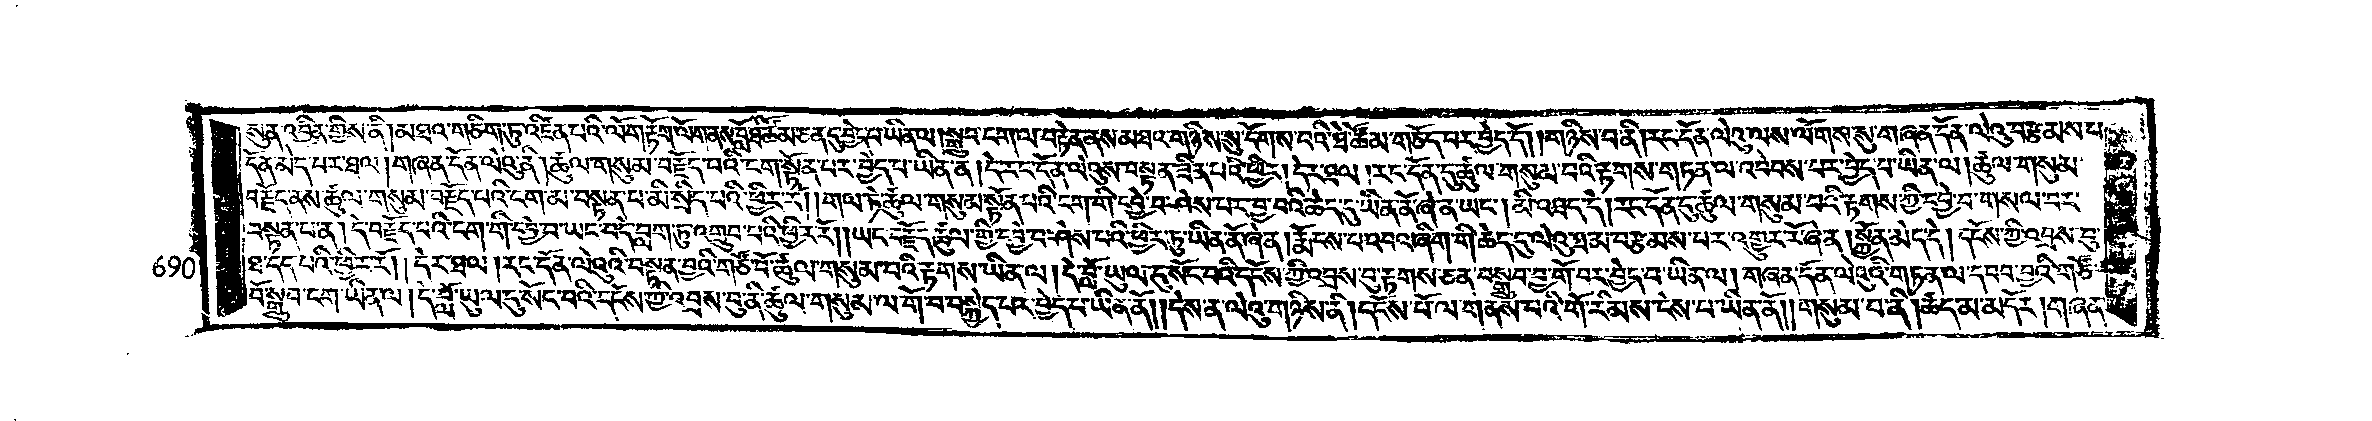སུན་འབྱིན་གྱིས་ནི། མཐའ་གཅིག་ཏུ་འཛིན་པའི་ལོག་རྟོག་ལོག་ནས་བློ་ཐེ་ཚོམ་ཅན་དུ་བྱེད་པ་ཡིན་ལ། སྒྲུབ་དག་ལ་བརྟེན་ནས་མཐའ་གཉིས་སུ་དོགས་པའི་ཐེ་ཚོམ་གཅོད་པར་བྱེད་དོ། །གཉིས་པ་ནི། རང་དོན་ལེའུ་ལས་ལོགས་སུ་གཞན་དོན་ལེའུ་བརྩམས་པ་
དོན་མེད་པར་ཐལ། གཞན་དོན་ལེའུ་ནི། ཚུལ་གསུམ་བརྗོད་པའི་ངག་སྟོན་པར་བྱེད་པ་ཡིན་ན། དེ་རང་དོན་ལེའུས་བསྟན་ཟིན་པའི་ཕྱིར། དེར་ཐལ། རང་དོན་དུ་ཚུལ་གསུམ་པའི་རྟགས་གཏན་ལ་འབེབས་པར་བྱེད་པ་ཡིན་ལ། ཚུལ་གསུམ་
བརྗོད་ནས་ཚུལ་གསུམ་བརྗོད་པའི་ངག་མ་བསྟན་པ་མི་སྲིད་པའི་ཕྱིར་རོ། །གལ་ཏེ་ཚུལ་གསུམ་སྟོན་པའི་ངག་གི་དབྱེ་བ་ཤེས་པར་བྱ་བའི་ཆེད་དུ་ཡིན་ནོ་ཞེ་ན་ཡང་། མི་འྯད་དེ། རང་དོན་དུ་ཚུལ་གསུམ་པའི་རྟགས་ཀྱི་དབྱེ་བ་གསལ་བར་
བསྟན་པ་ན། དེ་བརྗོད་པའི་ངག་གི་དབྱེ་བ་ཡང་བདེ་བླག་ཏུ་འགྲུབ་པའི་ཕྱིར་རོ། །ཡང་བརྗོད་ཚུལ་གྱི་དབྱེ་བ་ཤེས་པའི་ཕྱིར་ཏུ་ཡིན་ནོ་ཞེ་ན། རྨོངས་པ་འབའ་ཞིག་གི་ཆེད་དུ་ལེའུ་ཐ་མ་བརྩམས་པར་འགྱུར་རོ་ཞེ་ན། སྐྱོན་མེད་དེ། དངོས་ཀྱི་འབྲས་བུ་
ཐ་དད་པའི་ཕྱིར་རོ། །དེར་ཐལ། རང་དོན་ལེའུའི་བསྟན་བྱའི་གཙོ་བོ་ཚུལ་གསུམ་པའི་རྟགས་ཡིན་ལ། དེ་བློ་ཡུལ་དུ་སོང་བའི་དངོས་ཀྱི་འབྲས་བུ་རྟགས་ཅན་བསྒྲུབ་བྱ་གོ་བར་བྱེད་པ་ཡིན་ལ། གཞན་དོན་ལེའུའི་གཏན་ལ་དབབ་བྱའི་གཙོ་
བོ་སྒྲུབ་ངག་ཡིན་ལ། དེ་བློ་ཡུལ་དུ་སོང་བའི་དངོས་ཀྱི་འབྲས་བུ་ནི་ཚུལ་གསུམ་ལ་གོ་བ་བསྐྱེད་པར་བྱེད་པ་ཡིན་ནོ། །དེས་ན་ལེའུ་གཉིས་ནི། དངོས་པོ་ལ་གནས་པའི་གོ་རིམས་ངེས་པ་ཡིན་ནོ། །གསུམ་པ་ནི། ཚད་མ་མདོར། གཞན་